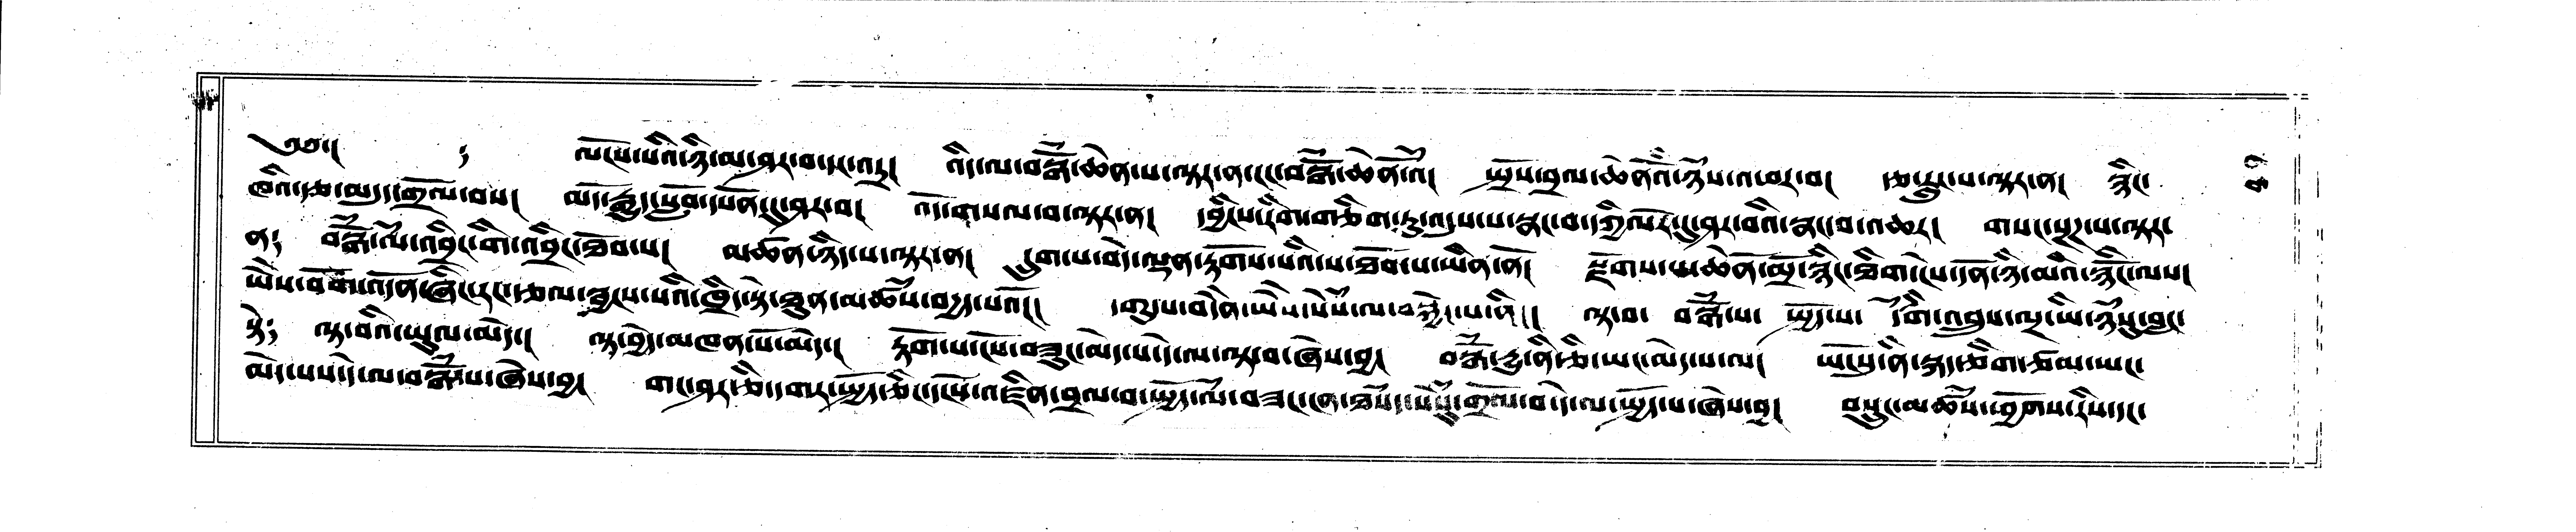ལོང་བའི་ཉི་མ་ཤར་བ་དང་འདྲ། འདི་ལ་སྒོམ་ཆེན་པ་ལྟར་ན་ངང་སྒོམ་ཆེན་པོའམ། སྤྲོས་བྲལ་ཆེན་པོའི་ཉམས་འཕར་བ། རྩ་རླུང་པ་ལྟར་ན། སྙིང་
ཁའི་རྩ་མདུད་དགྲོལ་བས། མདོ་རྒྱུད་སློབ་དཔོན་དུ་ཤར་བ། འོད་གསལ་བ་ལྟར་ན། དབྱིངས་རིག་གཅིག་ཏུ་འདུས་པ་སྣང་བ་དཀྱིལ་འཁོར་དུ་ཤར་བའི་སྣང་བ་འཆར། གསང་སྔགས་པ་ལྟར་
ན་སྒོམ་ལམ་འབྲིང་གི་འབྲིང་ཐོབ་པ། མཚན་ཉིད་པ་ལྟར་ན་དྲུག་པ་བདེ་ལྡན་རྟོགས་པའི་ས་ཐོབ་པ་ཡིན་ནོ། །རྫོགས་པ་ཆེན་པོ་མཁའ་འགྲོ་སྙིང་ཐིག་ངེས་དོན་ཉི་མའི་སྙིང་པོ་ལས།
 ཡེ་ཤེས་བོགས་འདོན་ཞིང་རང་རྩལ་སྦྱོང་བའི་ཁྲིད་དེ་ཐུན་མཚམས་བརྒྱད་པའོ།། །།དགུ་པ་བདེ་ཆེན་ཡེ་ཤེས་སེམས་ལ་བསྐྱེད་པ་ནི། ལྟ་བ་སྒོམ་པ་སྤྱོད་པ་དམ་ཚིག་འབྲས་བུ་ལྔ་ཡི་ཉམས་སུ་བླང་
སྟེ་ལྟ་བའི་ཡུལ་མེད། ལྟ་བྱེད་མཁན་པོ་མེད། རྟོག་པ་ངོས་བཟུང་མེད་པ་དེ་ལ་ལྟ་བ་ཞེས་བྱ། སྒོམ་རྒྱུ་ནི་ཅི་ཡང་མེད་པ་ལ། ཡེངས་སུ་ནི་སྐད་ཅིག་ཙམ་ཡང་
མེད་པས་དེ་ལ་སྒོམ་པ་ཞེས་བྱ། གང་ཤར་ཅི་དགར་སྤྱོད་ཅིང་ངོས་འཛིན་བྲལ་བ་སྤྱོད་ལམ་བཟང་ངན་ཐམས་ཅད་སེམས་སུ་གྲོལ་བ་དེ་ལ་སྤྱོད་པ་ཞེས་བྱ། བསྲུང་མཚམས་ཕྱོགས་རིས་དང་